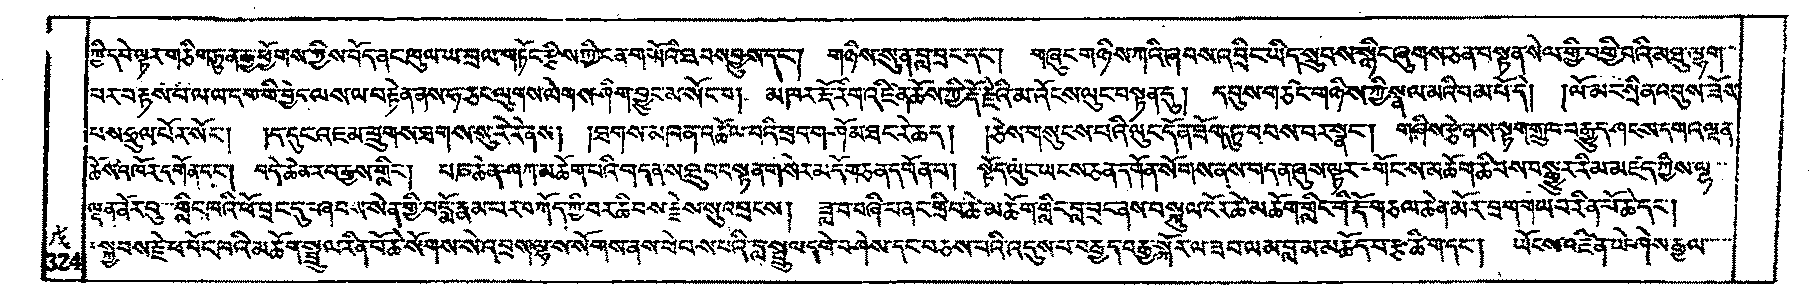ཀྱི་དཔེ་ལྟར་གཅིག་ཏུ་ན་རྒྱ་ཕྱོགས་ཀྱིས་བོད་ནང་ཁུལ་ཡ་བྲལ་གཏོང་རྩིས་ཀྱི་ངན་གཡོའི་ཐབས་བྱུས་དང་། གཉིས་སུ་ན་བླ་བྲང་དང་། གཞུང་གཉིས་ཀའི་ཞབས་འབྲིང་ཡིད་སྲུབས་སྙིང་ཞུགས་ཅན་བསྟན་སེལ་གྱི་བགྱི་བའི་མཐུ་ལྷག་
པར་བརྟས་པ་ལ་ལ་དག་གི་བྱེད་ལས་ལ་བརྟེན་ནས་ཧ་ཅང་ལུགས་ལེགས་ཤིག་བྱུང་མ་སོང་བ། མཁར་རྡོ་རིག་འཛིན་ཆོས་ཀྱི་རྡོ་རྗེའི་མ་འོངས་ལུང་བསྟན་དུ། དབུས་གཙང་གཉིས་ཀྱི་སྣལ་མའི་བམ་པོ་དེ། །ལོ་མང་སྲིན་འབུས་ཟོས་
པས་ཧྲུལ་པོར་སོང་། །ད་དུང་འཇམ་ཕྲུགས་ཐགས་སུ་རེ་རེ་ནས། །ཐགས་མཁན་འཚོལ་བའི་ཕྲབ་གཤོམ་ཐང་རེ་ཆད། །ཅེས་གསུངས་པའི་ལུང་དོན་ཐོག་ཏུ་བབས་པར་སྣང་། གཞིས་རྩེ་ནས་སྟག་གྲུ་ཁ་བརྒྱུད་ཤངས་དགའ་ལྡན་
ཆོས་འཁོར་དགོན་དང་། བདེ་ཆེན་རབ་རྒྱས་གླིང་། པཎ་ཆེན་ཤ་ཀ་མཆོག་པའི་གདན་ས་ཐུབ་བསྟན་གསེར་མདོག་ཅན་དགོན་པ། སྟོད་ལུང་ཡངས་ཅན་དགོན་སོགས་ནས་གདན་ཞུས་ལྟར ༧གོང་ས་མཆོག་ཆིབས་བསྒྱུར་རིམ་མཛད་ཀྱིས་ལྷ་
ལྡན་ནོར་བུ་གླིང་ཁའི་ཕོ་བྲང་དུ ༧ཞབས་སེན་གྱི་པདམོ་རྣམ་པར་བཀོད་ཀྱི་བར་ཆིབས་རྗེས་སུ་འབྲངས། ཟླ་བ་བཞི་པ་ནང་གྲིབ་ཚེ་མཆོག་གླིང་བླ་བྲང་ནས་བསྐུལ་ངོར་ཚེ་མཆོག་གླིང་གི་རྡོ་གཅལ་ཆེན་མོར་བྲག་གཡབ་རིན་པོ་ཆེ་དང་།
༧སྐྱབས་རྗེ་ཕ་བོང་ཁའི་མཆོག་སྤྲུལ་རིན་པོ་ཆེ་སོགས་སེ་འབྲས། ལྷ་ས་སོགས་ནས་ཕེབས་པའི་བླ་སྤྲུལ་དགེ་བཤེས་དང་བཅས་པའི་འདུས་པ་བརྒྱད་བརྒྱ་སྐོར་ལ་ཟབ་ལམ་བླ་མ་མཆོད་པ་རྩ་ཚིག་དང་། ཡོངས་འཛིན་ཡེ་ཤེས་རྒྱལ་